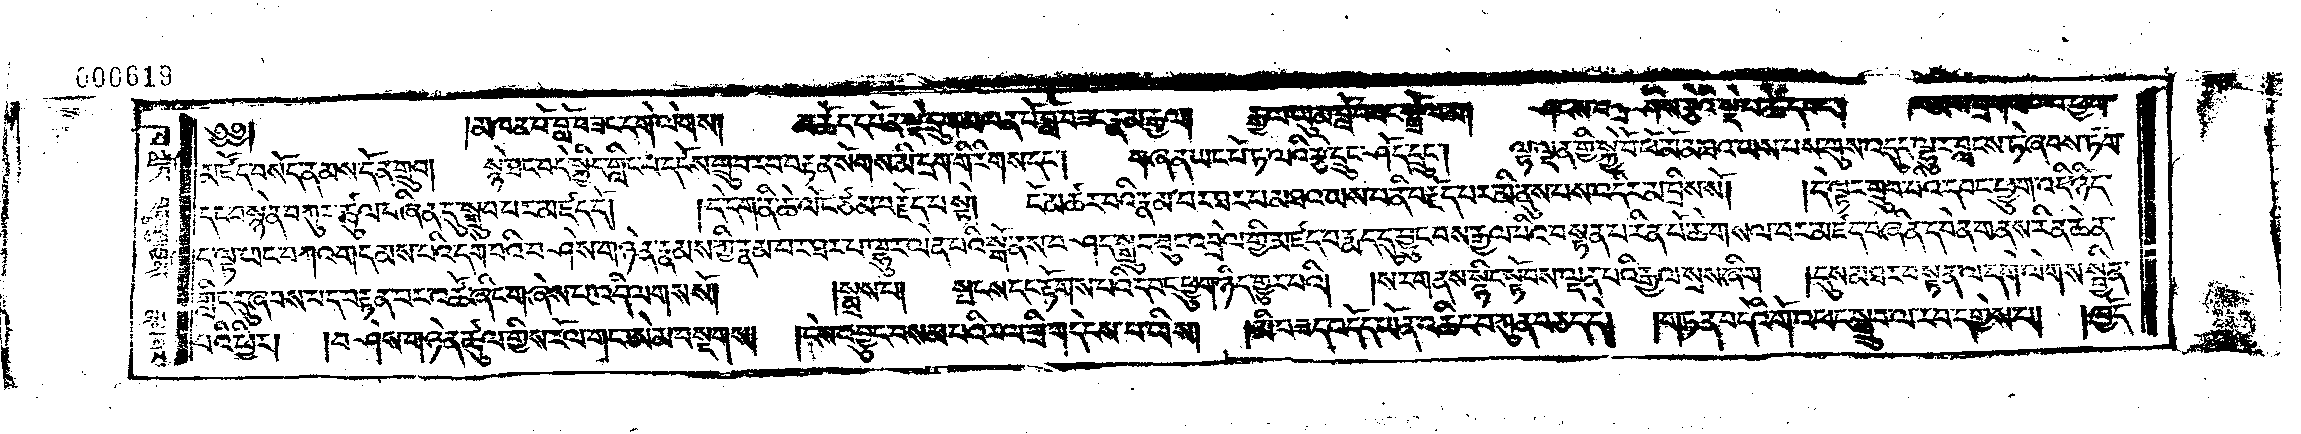༄༅། །མཁན་པོ་བློ་བཟང་དགེ་ལེགས། མཆོད་དཔོན་སྡེ་དྲུག་མཁན་པོ་བློ་བཟང་རྣམ་རྒྱལ། རྒྱལ་ཡུམ་བློ་བཟང་སྒྲོལ་མ། ཤངས་བཀྲ་ཤིས་རྩེའི་སྡེ་པ་ཚེ་དབང་། ཁམས་བྲག་གཡབ་ཕྱག་
མཛོད་བསོད་ནམས་དོན་གྲུབ། སྙེ་ཐང་བདེ་སྐྱིད་གླིང་པ་དངོས་གྲུབ་རབ་བརྟན་སོགས་མི་དྲག་གི་རིགས་དང་། གཞན་ཡང་པོ་ཏ་ལའི་རྩེ་དྲུང་ཤོད་དྲུང་། ལྷ་ལྡན་གྱི་སྐྱེ་བོ་ཕོ་མོ་མཐའ་ཡས་པས་གུས་འདུད་ལྷུར་བླངས་ཏེ་ཞབས་ཏོག་
དང་བསྙེན་བཀུར་ཚུལ་བཞིན་དུ་སྒྲུབ་པར་མཛད་དོ། །དེ་དག་ནི་ཆེ་ལོང་ཙམ་བརྗོད་པ་སྟེ། ངོ་མཚར་བའི་རྣམ་པར་ཐར་པ་མཐའ་ཡས་པ་ནི་བརྗོད་པར་མི་ནུས་པས་འདིར་མ་བྲིས་སོ། །དེ་ལྟར་གྲུབ་པའི་དབང་ཕྱུག་འདི་ཉིད་
ད་ལྟ་ཡང་བཀའ་གདམས་པའི་དགེ་བའི་བཤེས་གཉེན་རྣམས་ཀྱི་རྣམ་པར་ཐར་པ་ལྷུར་ལེན་པའི་སྒོ་ནས་བཤད་སྒྲུབ་ཟུང་འབྲེལ་གྱི་མཛད་པ་རྨད་དུ་བྱུང་བས་རྒྱལ་བའི་བསྟན་པ་རིན་པོ་ཆེ་གསལ་བར་མཛད་བཞིན་དབེན་གནས་རིན་ཆེན་
གླིང་དུ་ཞབས་པད་བརྟན་པར་འཚོ་ཞིང་གཞེས་པ་འདི་ལགས་སོ། །སྨྲས་པ། སྤངས་དང་རྟོགས་པའི་དབང་ཕྱུག་ཉིད་གྱུར་པའི། །སར་གནས་སྙིང་སྟོབས་ལྡན་པའི་རྒྱལ་སྲས་ཞིག །དུས་མཐར་བསྟན་ལ་དགེ་ལེགས་སྦྱིན་
པའི་ཕྱིར། །བཤེས་གཉེན་ཚུལ་གྱིས་རོལ་གང་ཨེ་མ་བསྔགས། །ངེས་འབྱུང་བསམ་པའི་རལ་གྲི་གདེངས་པ་ཡིས། །མི་བཟད་འདོད་ཡོན་འཆིང་བ་ཀུན་བཅད་དེ། །གཏན་བདེའི་གོ་འཕང་སྒྲུབ་ལ་རབ་དགྱེས་པ། །ཁྱོད་